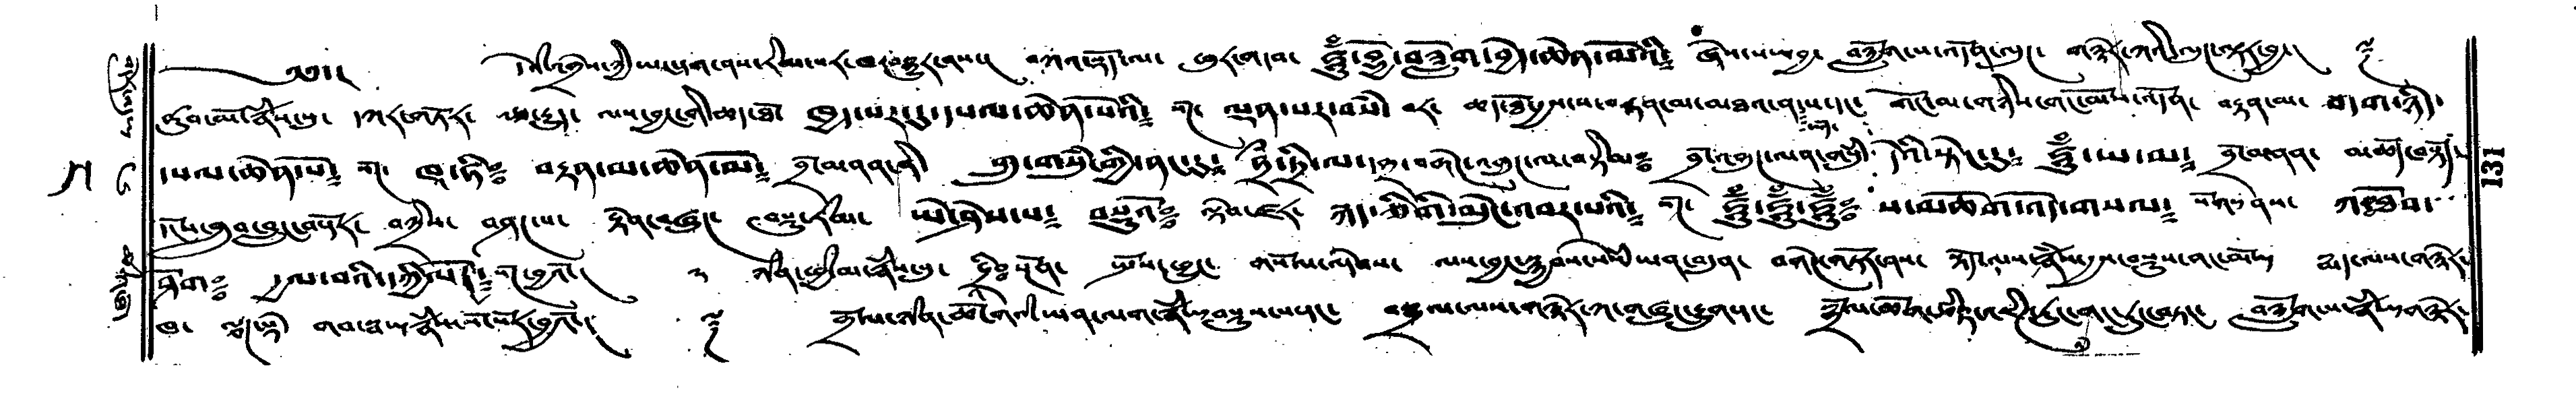དེའི་འགྲེས་ཀྱིས་ཡང་དག་ནས་རིམ་པར་ཁ་བསྒྱུར་ནས། བཀའ་སྡོད་ལ། ཕུར་གདབ། ཧཱུྃ་བྷྱོ༔ཟློག་བྱེད་ཆེན་མོའི༴ ཞེས་པས་བྱ། ཟློག་པ་འདོན་ལུགས་གཟེར་ཀའི་ལུགས་ལྟར་བྱ། ༈ 
ནུབ་མོ་རྣམས་སུ། དཀར་གཏོར། རྩ་རྒྱུད། ལས་བྱང་གི་ཆད་ཐོ ཁྱད་པར་དུ་དཔལ་ཆེན་པོའི༴ སོགས། ལྡན་པར་བསམ། བར། ཆད་ཐོ་རྒྱས་པ་བརྟན་མ་མཐའ་ན་ཡོད་པ་དང་གོང་མ་གཉིས་གང་མོས་འདོན། བརྟན་མ། བདག་ཉིད་
དཔལ་ཆེན་པོ༴ སོགས། ཁཱ་ཧི༔ བརྟན་མ་ཆེན་མོ༴ བྲོ་མནན་ནི། གྲུ་གསུམ་གྱི་ནང་དུ༴ ནྲྀ་ཏྲི༴ དགྲ་བགེགས་བཀུག་ལ་བསྟིམ། བྲོ་འགུགས་ལན་གསུམ། དེའི་སྟེང་དུ༴ ཧཱུྃ༔ཡ་མ༴ བྲོ་མནན། མཆོད་བསྟོད་
དངོས་གྲུབ་བླང་བ་དོར། བཀྲ་ཤིས། བཤགས་པ། བརྟན་བཞུགས། བསྡུ་རིམ། ཡེ་ཤེས་པ༴ བསྡུའོ༔ ལྡེབ་ཛར། སྐད་ཅིག་གིས་མེ་དཔུང་འབར་པའི༴ སོགས། ཧཱུྃ་ཧཱུྃ་ཧཱུྃ༔ ས་མཆོག་འོད་གསལ༴ སོགས་ནས། ཀཿཐོབ་
ཤོག༔ རྒྱལ་བའི་དཀྱིལ་འཁོར༴ སོགས་བྱའོ།། ཉིན་ཕྱི་མ་རྣམས་སུ། ཧྲཱིཿསྔོན༴ སྤོས་ཕྱུང་། གསོལ་འདེབས། ལས་བྱང་སྐྱབས་སེམས་ཡན་བདུན། བགེགས་གཏོར་ནས། སྟོད་ལས་རྣམས་རྒྱས་བསྡུས་གང་མོས། སྨད་ལས་གཟེར་
ཁ། ལྕགས་སྡེ། གབ་སྦས་རྣམས་སོ་སོར་བྱའོ།། ༈ གྲོལ་ཉིན་ཆོ་གའི་ཡན་ལག་རྣམས་བསྡུས་པ་དང་།བསྒྲལ་ལས་གཟེར་ཀ་གཞུང་རྒྱུག་དང་། སྒྲོལ་ཆོག་ཙིཏྟ་འཇིགས་རུང་གང་རུང་བཏང་། ཟློག་པ་རྣམས་གཟེར་